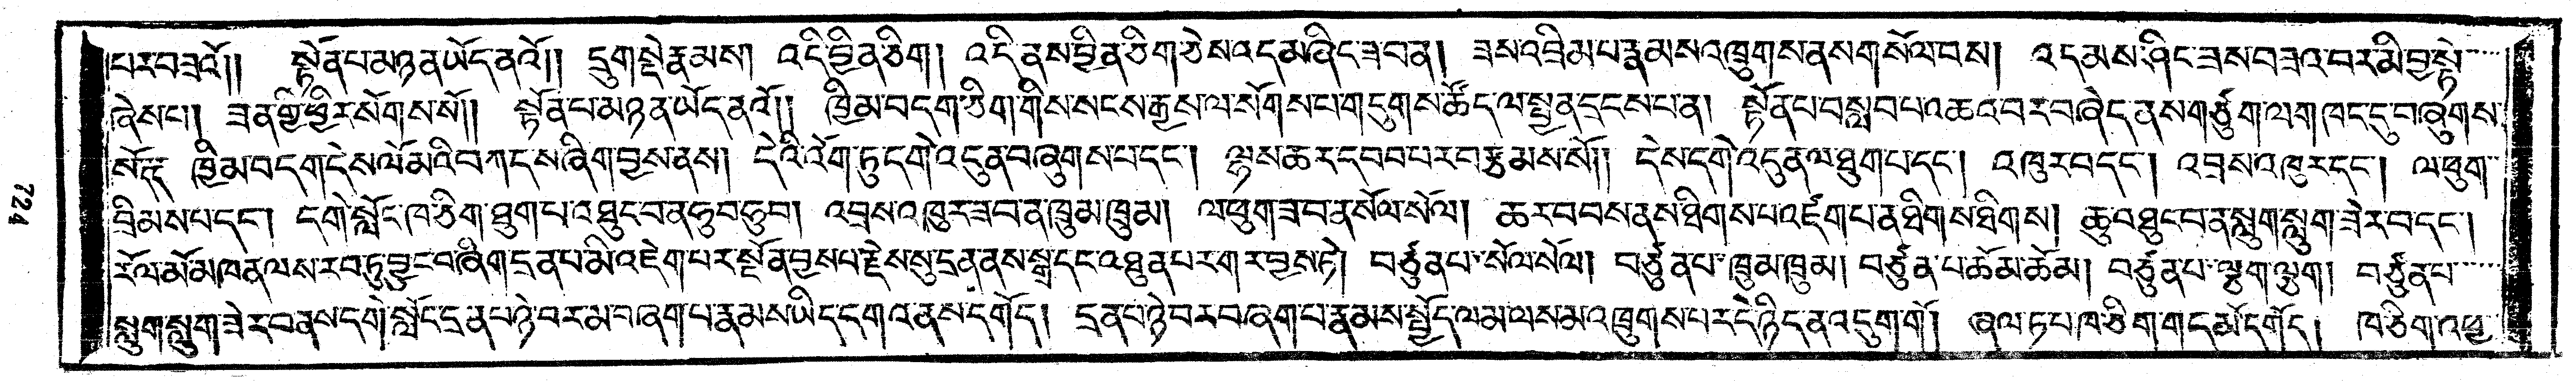པར་བཟའོ། །སྟོན་པ་མཉན་ཡོད་ནའོ། །དྲུག་སྡེ་རྣམས། འདི་བྱིན་ཅིག། འདི་ནས་བྱིན་ཅིག་ཅེས་འདམ་ཞིང་ཟ་བ་ན། ཟས་འབྲིམ་པ་རྣམས་འཁྲུགས་ནས་གསོལ་བས། འདམས་ཤིང་ཟས་བཟའ་བར་མི་བྱ་སྟེ་
ཞེས་པ། ཟན་གྱི་ཕྱིར་སོགས་སོ། །སྟོན་པ་མཉན་ཡོད་ནའོ། །ཁྱིམ་བདག་ཅིག་གིས་སངས་རྒྱས་ལ་སོགས་པ་གདུགས་ཚོད་ལ་སྤྱན་དྲངས་པ་ན། སྟོན་པ་བསླབ་པ་འཆའ་བར་བཞེད་ནས་གཙུག་ལག་ཁང་དུ་བཞུགས་
སོ༑༑ ཁྱིམ་བདག་དེས་ལོ་མའི་བཀད་ས་ཞིག་བྱས་ནས། དེའི་འོག་ཏུ་དགེ་འདུན་བཞུགས་པ་དང་། ལྷས་ཆར་དབབ་པར་བརྩམས་སོ། །དེས་དགེ་འདུན་ལ་ཐུག་པ་དང་། འཁུར་བ་དང་། འབྲས་འཁུར་དང་། ལ་ཕུག་
བྲིམས་པ་དང་། དགེ་སློང་ཁ་ཅིག་ཐུག་པ་འཐུང་བ་ན་ཧུ་བ་ཧུབ། འབྲས་འཁུར་ཟབ་ན་ཁྲུམ་ཁྲུམ། ལ་ཕུག་ཟ་བ་ན་སོལ་སོལ། ཆར་བབས་ནས་ཐིགས་པ་འཛག་པ་ན་ཐིགས་ཐིགས། ཆུ་བྠུང་བ་ན་སླུག་སླུག་ཟེར་བ་དང་།
རོལ་མོ་མཁན་ལས་རབ་ཏུ་བྱུང་བ་ཞིག་དྲན་པ་མི་འཇེག་པར་སྔོན་བྱས་པ་རྗེས་སུ་དྲན་ནས་སྒྲ་དང་འཐུན་པར་གར་བྱས་ཏེ། བཙུན་པ༑ སོལ་སོལ། བཙུན་པ་ཁྲུམ་ཁྲུམ། བཙུན་པ་ཆོམ་ཆོམ། བཙུན་པ་ཆོམ་ཆོམ། བཙུན་པ་ལྕག་ལྕག། བཙུན་པ་
སླུག་སླུག་ཟེར་བ་ནས་དགེ་སློང་དྲ་ན་པ་ཉེ་བར་མ་བཞག་པ་རྣམས་ཡིད་དགའ་ནས་དགོད། དྲན་པ་ཉེ་བར་བཞག་པ་རྣམས་སྤྱོད་ལམ་ལས་མ་འཁྲུགས་པར་དེ་ཉིད་ན་འདུག་གོ། ཞལ་ཏ་པ་ཁ་ཅིག་གང་མོ་དགོད། ཁ་ཅིག་འཕྱ་